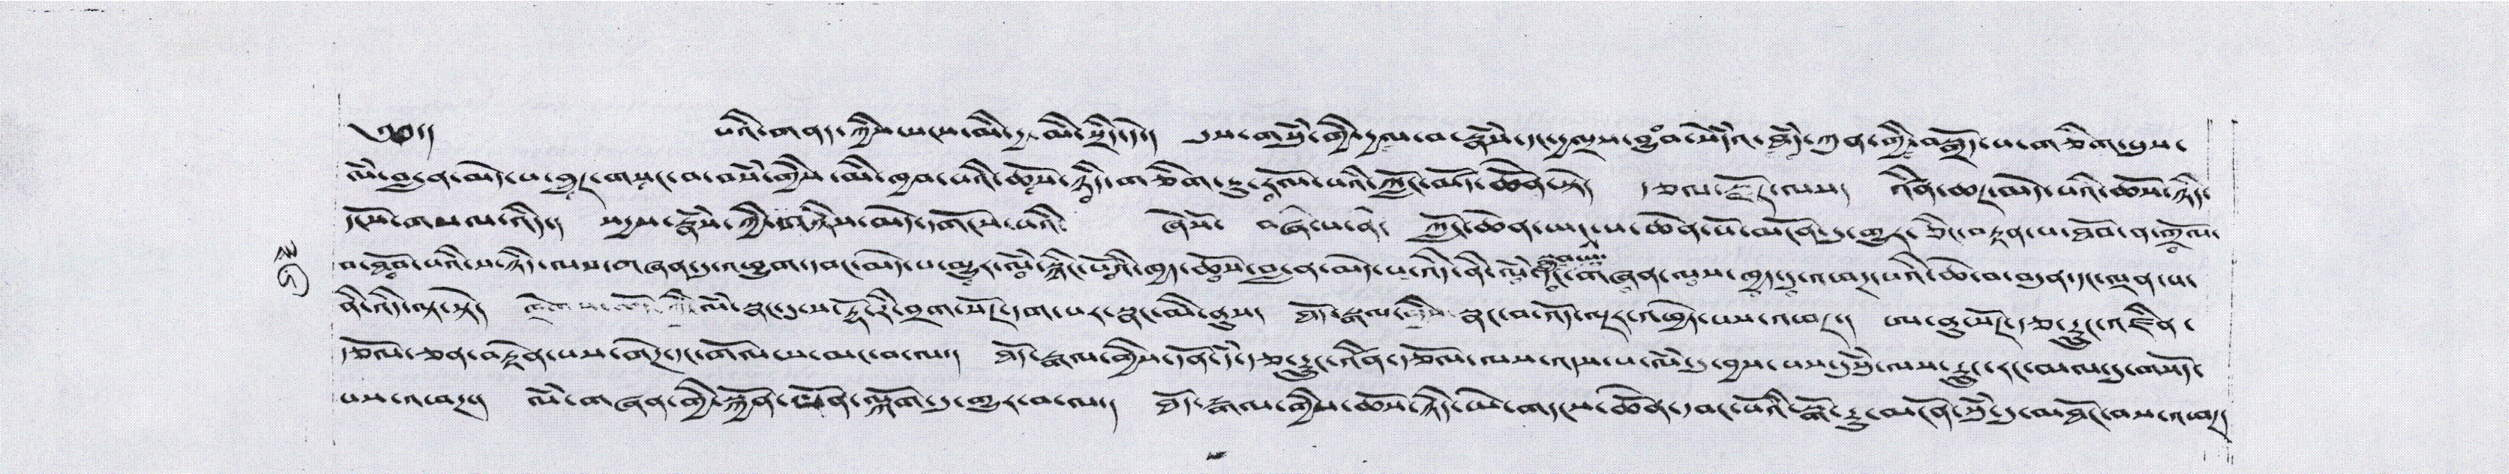པའི་གནད་ཀྱིས་སངས་མི་རྒྱ་མི་སྲིད་དེ། དུས་གསུམ་གྱི་རྒྱལ་བ་རྣམས་དང་རྒྱལ་སྲས་བྱང་ཆུབ་སེམས་དཔའ་ཐམས་ཅད་ཀུན་གྱི་བགྲོད་པ་གཅིག་པུས་
ལམ་བླ་ན་མེད་པ་ཐུགས་གསང་བ་བསམ་གྱིས་མི་ཁྱབ་པའི་ཆོས་ཉིད་གཅིག་པུ་རོལ་པའི་ཀློང་མཛོད་ཆེན་པོ་སྟེ། རྩལ་རྫོགས་ལས། འཛིན་ཆགས་མེད་པའི་ཆོས་ཉིད་
དངོས་གསལ་འདི། སངས་རྒྱས་རྣམས་ཀྱི་གཉིས་མེད་དགོངས་པ་ཡི། ཞེས་སོ། །བཞི་པ་ནི། ཀློང་ཆེན་ཡངས་པ་ཆེན་པོ་མངོན་དུ་གྱུར་ཅིང་བརྟན་པ་ཐོབ་ན་གྲོལ་
བ་ཐོབ་པའི་ས་ཉིད་ལས་གཞན་དུ་འཕྱུག་དབང་མེད་པ་མྱུར་ལམ་སྙིང་པོའི་ཁྱད་ཆོས་བླ་ན་མེད་པ་འདི་ནི་ལམ་སྒྲུབ་པ་གཞན་ལས་ཁྱད་དུ་འཕགས་པའི་ཆེ་བ་བདུན་དང་ལྡན་པ་
ནི་འདི་ལྟ་སྟེ། ཁྲེག་ཆོད་ཀྱི་ལམ་སྣང་དུ་ས་རྡོ་རི་བྲག་སོགས་དག་པར་སྣང་མི་ནུས། ཐོད་རྒལ་གྱིས་སྣང་བ་འོད་ལྔར་འཕྱེད་པས་འཕགས། ཨ་ནུ་སོགས་རྩ་རླུང་འཛིན་
རྩོལ་ཅན་བརྟེན་པས་གེགས་དང་གོལ་ས་མང་བ་ལ། ཐོད་རྒལ་གྱིས་དོན་དམ་རྩ་རླུང་འཛིན་རྩོལ་ལས་འདས་པ་ལམ་དུ་བྱས་པས་དུས་གསུམ་ལས་རླུང་རང་མལ་དུ་བསོད་
པས་འཕགས། ལམ་གཞན་གྱི་སྐྱོན་ཡོན་ལྐོག་ཏུ་གྱུར་པ་ལ། ཐོད་རྒལ་གྱིས་ཆོས་ཉིད་ཡེ་གདངས་ཆེན་པོ་དབང་པོའི་སྒོ་རུ་མངོན་སུམ་དུ་མཐོང་བས་འཕགས་